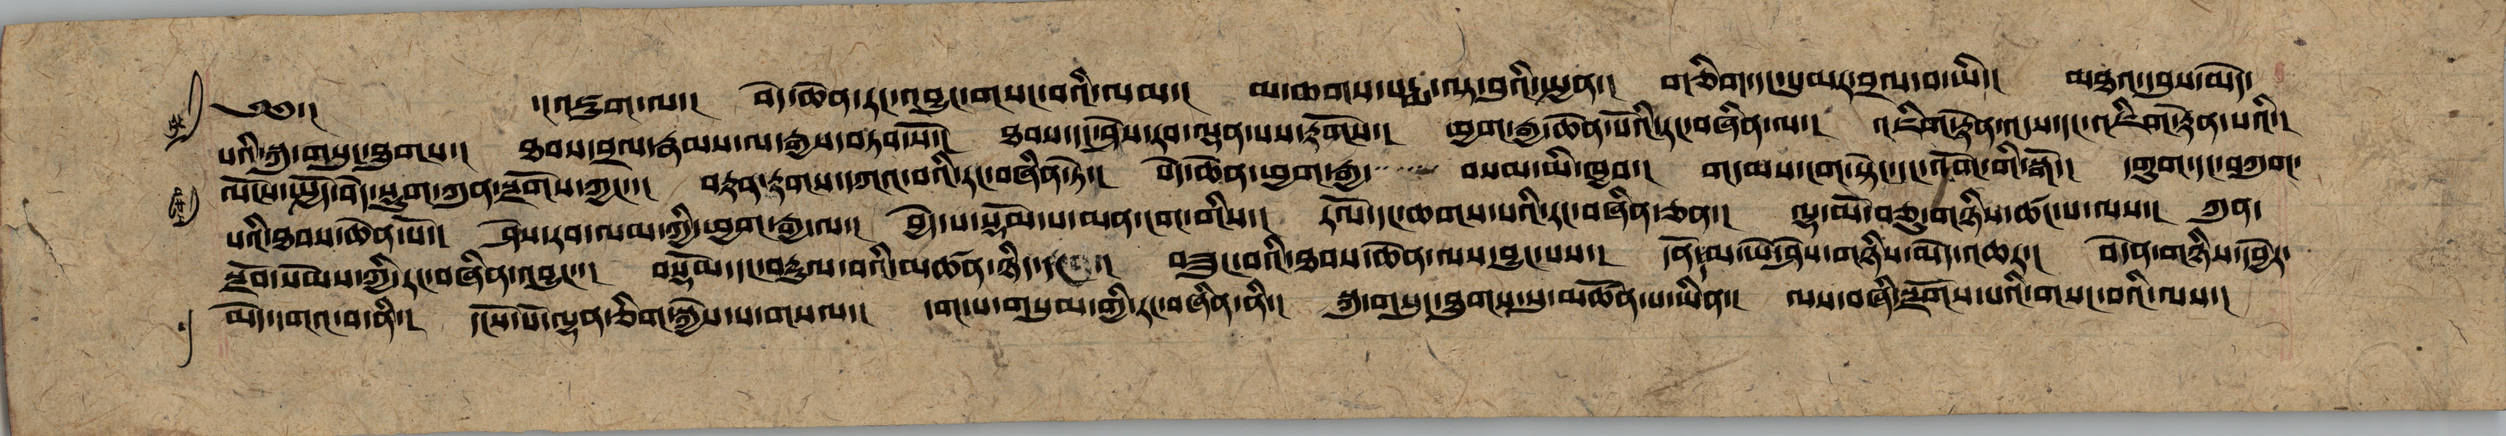༄༅་། ་།འཇུག་ལ་། བདེ་ཆེན་རང་འབྱུང་གསང་བའི་ལམ་། མ་ཆགས་པདྨ་ལྟ་བུའི་སྤྱན་། གཅིག་དང་དུ་མར་བྲལ་བ་ཡི་། མཐའ་དབུས་མེད་
པའི་སྐུ་གསུང་ཐུགས་། ཐབས་བྲལ་རྣམས་ལ་རྒྱས་བཏབ་སོ་། ཐབས་དང་ཤེས་རབ་ལྡན་པས་རྟོགས་། ཕྱག་རྒྱ་ཆེན་པོའི་རང་བཞིན་ལ་། འཇིག་རྟེན་འདས་དང་འཇིག་རྟེན་པའི་།
ལོངས་སྤྱོད་བདེ་སྡུག་ཀུན་སྫོགས་ཀྱང་་། བརྟན་རྟགས་དཀའ་བའི་རང་བཞིན་ཏེ་། བདེ་ཆེན་ཕྱག་རྒྱ་་་་་ བསམ་མི་ཁྱབ་། གདམས་ངག་སྟེང་དང་འོག་གི་སྒོ་། དགུག་དང་བཀུག་
པའི་ཐབས་ཆེན་པོ་། ཤེས་རབ་ལམ་ཀྱི་ཕྱག་རྒྱ་ལ་། བྱེད་པ་སྡོམ་པ་མན་ངག་གིས་། རོལ་དང་ཆགས་པའི་རང་བཞིན་ཅན་། ལྷ་མོ་བཅུ་གཉིས་ཚང་པ་ལས་། ཀུན་
སྫོབ་སེམས་ཀྱི་རང་བཞིན་འབྱུང་་། བསྡོམ་དང་བརྡུལ་བའི་མཚན་ཉིད་དང་་། བཟུང་བའི་ཐབས་ཆེན་ལས་བྱུང་པས་། དོན་དམ་ཡེ་ཤེས་གཉིས་མེད་འཆར་། བདེན་གཉིས་དབྱེར་
མེད་དགའ་བ་ནི་། དངོས་པོ་ལྷན་ཅིག་སྐྱེས་པ་གསལ་། དག་པ་གསུམ་གྱི་རང་བཞིནནི་། སྐུ་གསུང་ཐུགས་སུ་མཚོན་པ་ཡིན་། ལས་བཞི་སྫོགས་པའི་གསང་བའི་ལས་།